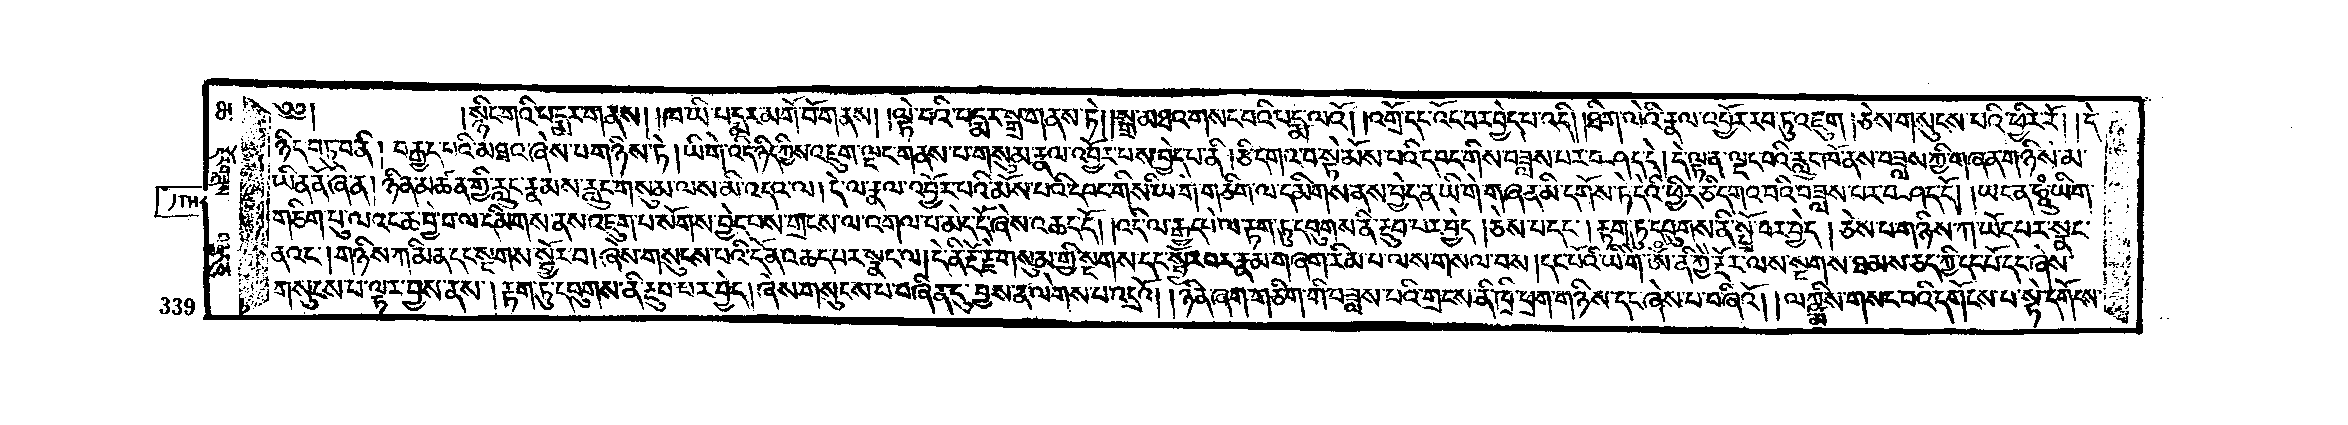༄༅། །སྙིང་གའི་པདམར་གནས། །ཁ་ཡི་པདམར་མགོ་བོ་གནས། །ལྟེ་བའི་པདམར་སྒྲ་གནས་ཏེ། །སྒྲ་མཐའ་གསང་བའི་པདམ་ལའོ། །འགྲོ་དང་འོང་བར་བྱེད་པ་འདི། །ཐིག་ལེའི་རྣལ་འབྱོར་རབ་ཏུ་འཇུག །ཅེས་གསུངས་པའི་ཕྱིར་རོ། །དེ་
ཉིད་བཏུ་བ་ནི། བརྒྱད་པའི་མཐའ་ཞེས་པ་གཉིས་ཏེ། ཡི་གེ་འདི་ཉིད་ཀྱིས་འཇུག་ལྡང་གནས་པ་གསུམ་རྣལ་འབྱོར་པས་བྱེད་པ་ནི། ཅི་དགའ་བ་སྟེ་མོས་པའི་དབང་གིས་བཟླས་པར་བཤད་དེ། དེ་ལྟ་ན་ལྡང་བའི་རླུང་ཁོ་ནས་བཟླས་ཀྱི་གཞན་གཉིས་མ་
ཡིན་ནོ་ཞེ་ན། ཉིན་མཚན་གྱི་རླུང་རྣམས་རླུང་གསུམ་ལས་མི་འདའ་ལ། དེ་ལ་རྣལ་འབྱོར་པའི་མོས་པའི་དབང་གིས་ཡི་གེ་གཅིག་ལ་དམིགས་ནས་བྱེད་ན་ཡི་གེ་གཞན་མི་དགོས་ཏེ་དེའི་ཕྱིར་ཅི་དགའ་བའི་བཟླས་པར་བཤད་དོ། །ཡང་ན་ཧཱུཾ་ཡིག་
གཅིག་པུ་ལའང་ཆ་ཕྱེ་བ་ལ་དམིགས་ནས་འཇུག་པ་སོགས་བྱེད་པས་གྲངས་ལ་འགལ་པ་མེད་དོ་ཞེས་འཆད་དོ། །འདི་ལ་རྒྱ་དཔེ་ལ་རྟག་ཏུ་དབུགས་ནི་རྔུབ་པར་བྱེད། ཅེས་པ་དང་། རྟག་ཏུ་དབུགས་ནི་སྤྲོ་བར་བྱེད། ཅེས་པ་གཉིས་ཀ་ཡོད་པར་སྣང་
ནའང་། གཉིས་ཀ་མིན་དང་སྔགས་སྦྱོར་བ། ཞེས་གསུངས་པའི་དོན་འཆད་པར་སྣང་ལ། དེ་ནི་རྡོ་རྗེ་གསུམ་གྱི་སྔགས་དང་སྦྱོར་བར་རྣམ་གཞག་རིམ་པ་ལས་གསལ་བས། དང་པོའི་ཡི་གེ་ཨོཾ་ནི་ཀྱཻ་རྡོར་ལས་སྔགས་ཐམས་ཅད་ཀྱི་དང་པོ་དང་ཞེས་
གསུངས་པ་ལྟར་བྱས་ནས། རྟག་ཏུ་དབུགས་ནི་རྔུབ་པར་བྱེད། ཞེས་གསུངས་པ་བཞིན་དུ་བྱས་ན་ལེགས་པ་འདྲའོ། །ཉིན་ཞག་གཅིག་གི་བཟླས་པའི་གྲངས་ནི་ཁྲི་ཕྲག་གཉིས་དང་ཞེས་པ་བཞིའོ། །ལཀྵྨཱིས་གསང་བའི་དགོངས་པ་སྟེ་དགོངས་